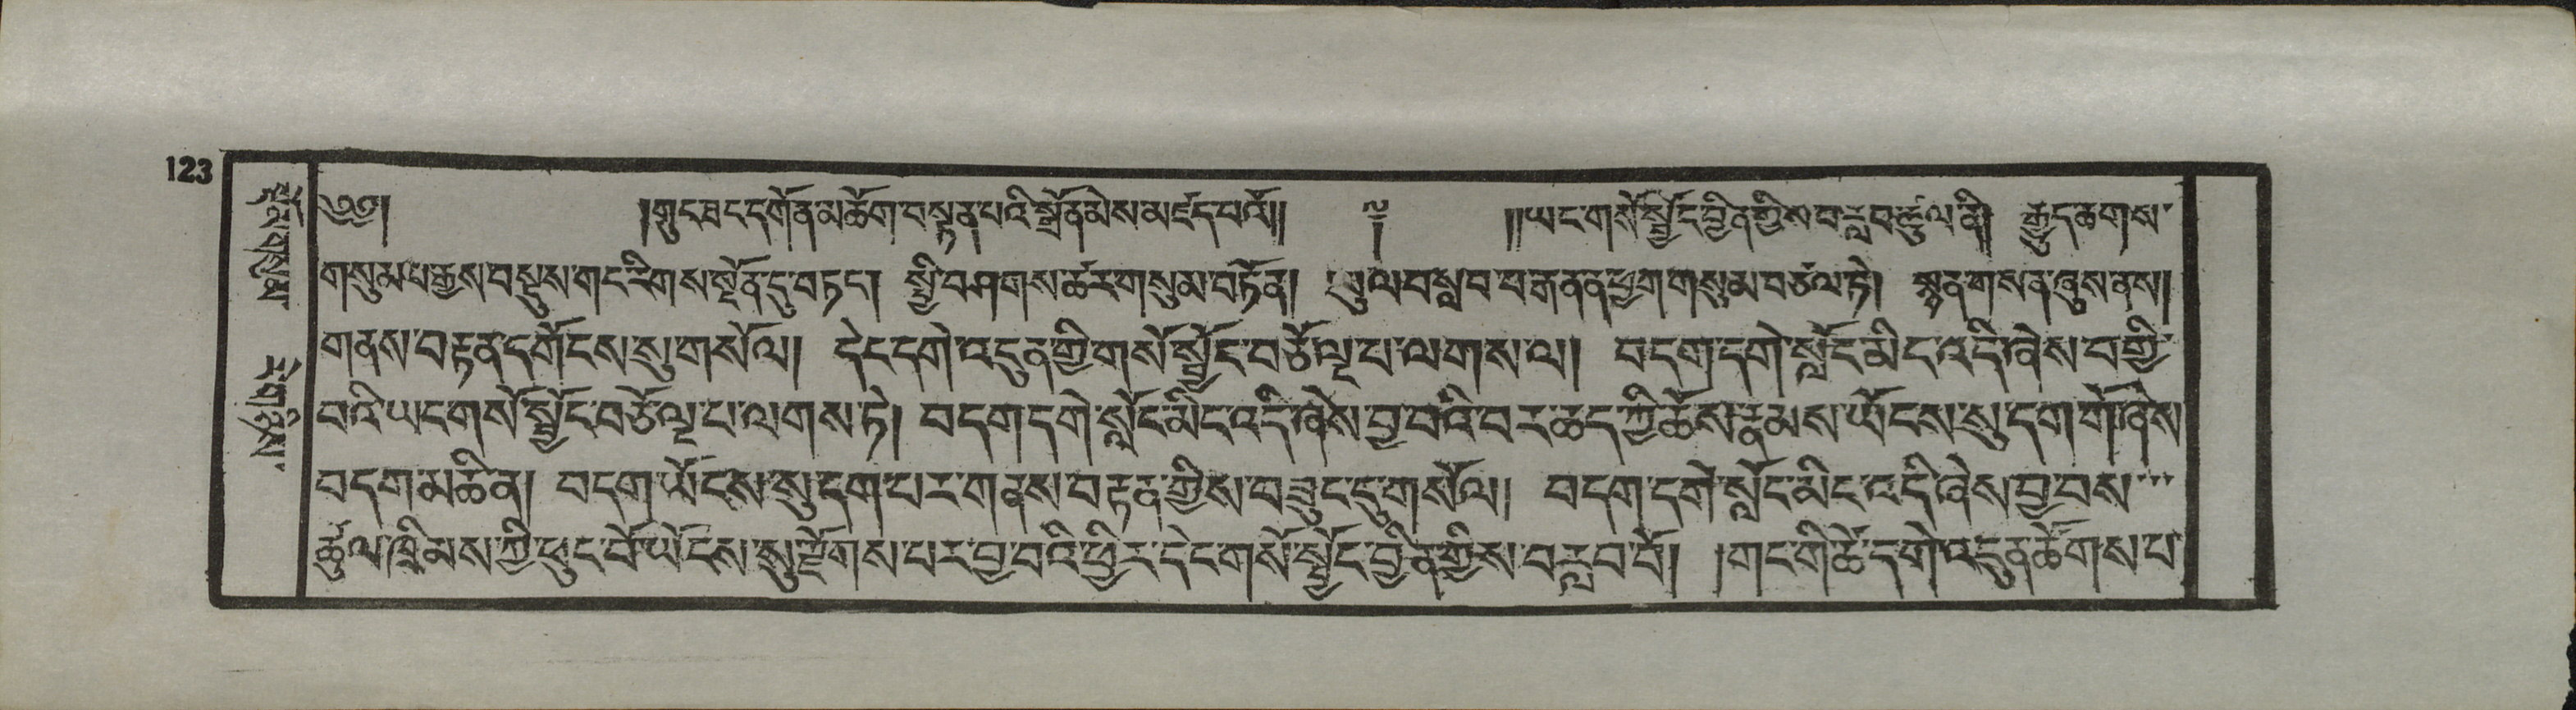༄༅། །གུང་ཐང་དགོན་མཆོག་བསྟན་པའི་སྒྲོན་མེས་མཛད་པའོ།། ༈ །།ཡང་གསོ་སྦྱོང་བྱིན་གྱིས་བརླབ་ཚུལ་ནི། རྒྱུད་ཆགས་
གསུམ་པ་རྒྱས་བསྡུས་གང་རིགས་སྔོན་དུ་བཏང་། སྤྱི་བཤགས་ཚར་གསུམ་བཏོན། ཡུལ་བསླབ་པ་རྒན་ན་ཕྱག་གསུམ་བཙལ་ཏེ། སྙན་གསན་ཞུས་ནས།
གནས་བརྟན་དགོངས་སུ་གསོལ། དེང་དགེ་འདུན་གྱི་གསོ་སྦྱོང་བཅོ་ལྔ་པ་ལགས་ལ། བདག་དགེ་སློང་མིང་འདི་ཞེས་བགྱི་
བའི་ཡང་གསོ་སྦྱོང་བཅོ་ལྔ་པ་ལགས་ཏེ། བདག་དགེ་སློང་མིང་འདི་ཞེས་བྱ་བའི་བར་ཆད་ཀྱི་ཆོས་རྣམས་ཡོངས་སུ་དག་གོ་ཞེས་
བདག་མཆི་ན། བདག་ཡོངས་སུ་དག་པར་གནས་བརྟན་གྱིས་བཟུང་དུ་གསོལ། བདག་དགེ་སློང་མིང་འདི་ཞེས་བྱ་བས་
ཚུལ་ཁྲིམས་ཀྱི་ཕུང་པོ་ཡོངས་སུ་རྫོགས་པར་བྱ་བའི་ཕྱིར་དེང་གསོ་སྦྱོང་བྱིན་གྱིས་བརླབ་པོ། །གང་གི་ཚེ་དགེ་འདུན་ཚོགས་